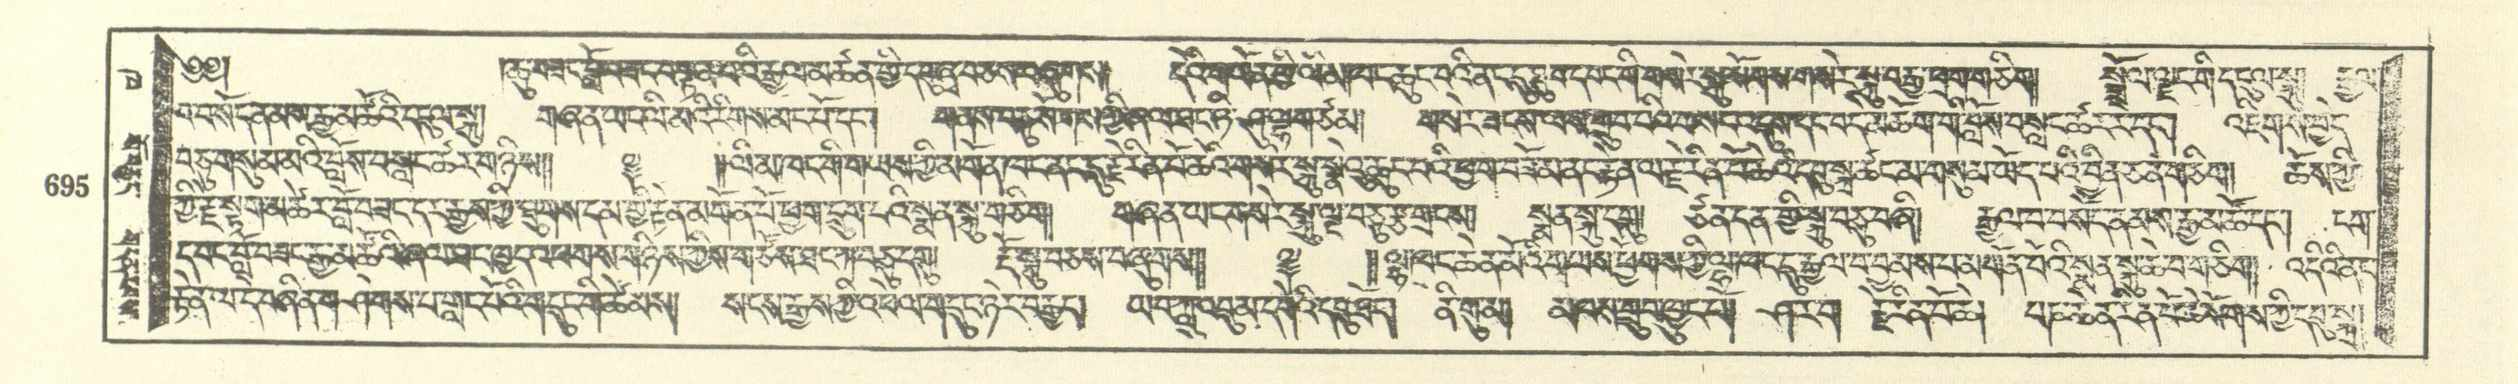༄༅། །ཆུ་བཟང་བློ་བཟང་བསྟན་པའི་རྒྱལ་མཚན་གྱི་དབུ་ཞྭ་བཅས་བཞུགས། དེའི་གཡོན་གྱི་ལི་མ་ཁང་ཆུང་བའི་ནང་དུ་ཐུབ་དབང་གི་གསེར་སྐུ་སོགས་གསེར་སྐུ་བརྒྱ་ཕྲག་གཅིག། སྒྲོལ་ལྗང་གི་དངུལ་སྐུ། རྒྱལ་
བ་བསོད་ནམས་རྒྱ་མཚོའི་དངུལ་སྐུ། གཞན་ཡང་ལི་མའི་རིགས་མང་པོ་དང་། གནས་བཅུ་སོགས་ཀྱི་ཞལ་ཐང་ཉི་ཤུ་ལྷག་ཙམ། གསེར་ཟངས་ལས་གྲུབ་པའི་གསང་འདུས་དང་བདེ་མཆོག་གི་བློས་བསླང་ཚར་རེ་དང་། འཇིགས་བྱེད་
བཅུ་གསུམ་མའི་བློས་བསླང་ཚར་གཉིས།། ༈ །།ལི་མ་ཁང་གི་གཡས་ཀྱི་མགོན་ཁང་ནང་དུ་རྗེ་རིན་པོ་ཆེའི་གསེར་སྐུ་སྣེའུ་ཆུང་བའི་ཕྱག་བཟོ་མ་ནང་རྟེན་ལ་རྗེ་རིན་པོ་ཆེའི་དབུ་སྐྲ་ཚང་མ་གསུམ་ཡོད་པའི་བྱིན་ཅན་གཅིག། ཆོས་ཀྱི་
ཀྱི་རྗེ་སྟག་མཚེར་བློ་བཟང་དར་རྒྱས་ཀྱི་ཐུགས་དམ་གྱི་རྟེན་མགོན་པོ་ཕྱག་དྲུག་པའི་སྨན་སྐུ་གཅིག། གཞན་ཡང་གསེར་སྐུ་ལྔ་བཅུ་རྩ་གྲངས། སྨན་སྐུ་དགུ། ཙན་དན་གྱི་སྐུ་བཅུ་བཞི། རྒྱལ་བ་བསོད་ནམས་རྒྱ་མཚོ་དང་། ངག་
དབང་བློ་བཟང་རྒྱ་མཚོའི་ཞལ་ཐང་ཁྱད་འཕགས་གཉིས་ཀྱིས་གཙོས་ཐང་ཀ་བཅུ་དགུ། རྡོ་སྐུ་བཅས་བཞུགས།། ༈ །།ལྷ་ཁང་ཆེན་མོའི་གཡས་ཕྱོགས་ཀྱི་ལྷ་ཁང་དུ་རྒྱལ་བ་བྱམས་པ་མགོན་པོའི་སྨན་སྐུ་ཆེ་བ་གཅིག། འདིའི་ནང་
རྟེན་ལ་དེ་བཞིན་གཤེགས་པ་གླང་པོའི་གདུང་གི་ཚེམས། སངས་རྒྱས་ཀྱི་འཕེལ་གདུང་ཉེར་བརྒྱད། ཡབ་ཀླུ་འབུམ་དགེའི་དབུ་ཐོད། ནི་གུ་མ། མཁས་གྲུབ་ཁྱུང་པོ། ཤ་ར་བ། རྗེ་རིན་པོ་ཆེ། པཎ་ཆེན་རིན་པོ་ཆེ་སོགས་ཀྱི་དབུ་སྐྲ།